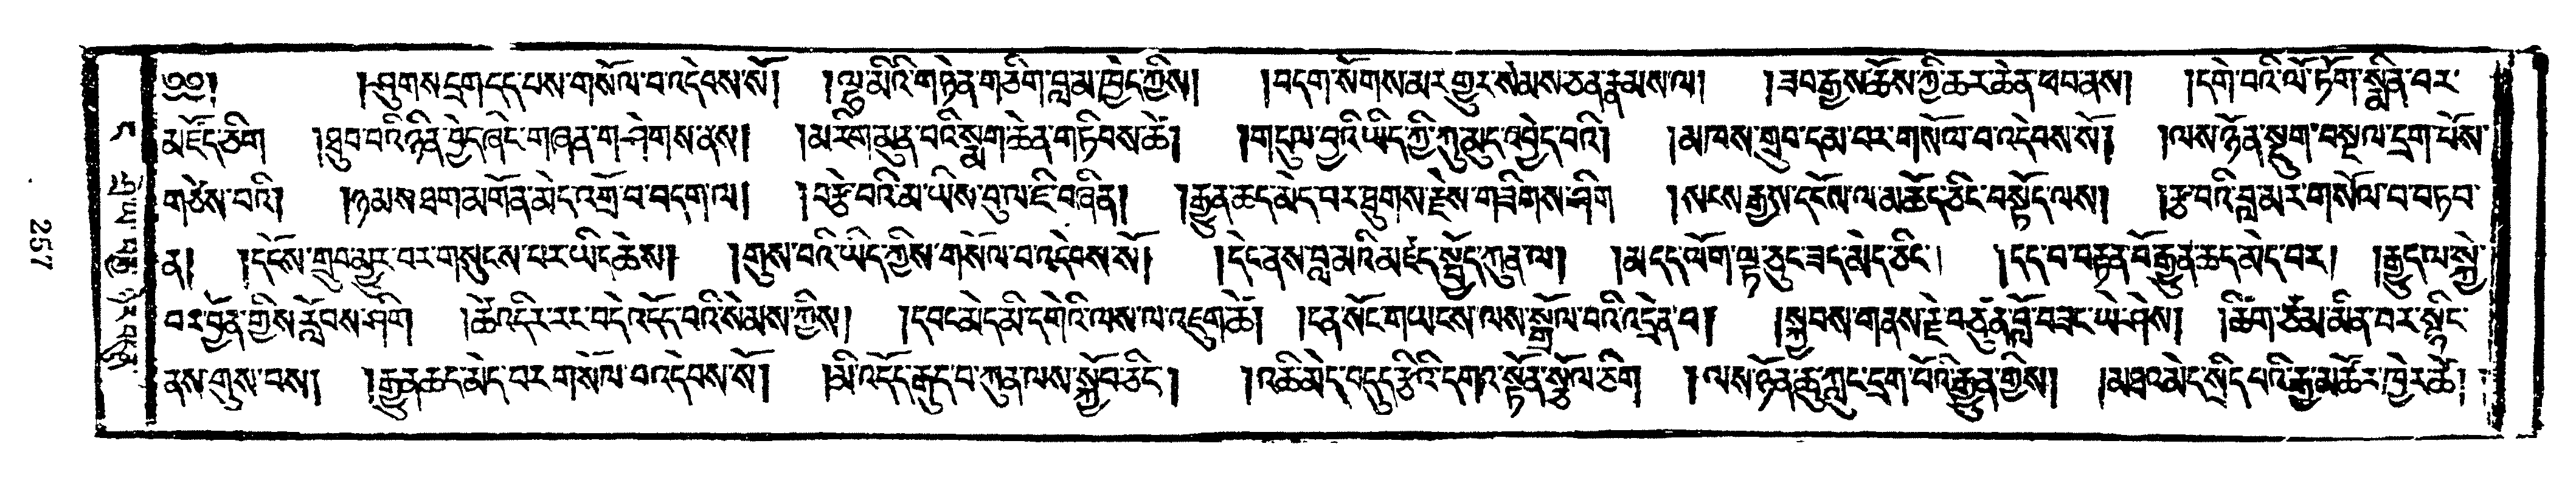༄༅། །ཤུགས་དྲག་དད་པས་གསོལ་བ་འདེབས་སོ། །ལྷ་མིའི་གཉེན་གཅིག་བླ་མ་ཁྱེད་ཀྱིས། །བདག་སོགས་མར་གྱུར་སེམས་ཅན་རྣམས་ལ། །ཟབ་རྒྱས་ཆོས་ཀྱི་ཆར་ཆེན་ཕབ་ནས། །དགེ་བའི་ལོ་ཏོག་སྨིན་བར་
མཛོད་ཅིག །ཐུབ་པའི་ཉིན་བྱེད་ཞིང་གཞན་གཤེགས་ནས། །མ་རིག་མུན་བའི་སྨག་ཆེན་གཏིབས་ཚེ། །གདུལ་བྱའི་ཡིད་ཀྱི་ཀུ་མུད་འབྱེད་བའི། །མཁས་གྲུབ་དམ་པར་གསོལ་བ་འདེབས་སོ། །ལས་ཉོན་སྡུག་བསྔལ་དྲག་པོས་
གཙེས་པའི། །ཉམས་ཐག་མགོན་མེད་འགྲོ་བ་བདག་ལ། །བརྩེ་བའི་མ་ཡིས་བུ་ལ་ཇི་བཞིན། །རྒྱུན་ཆད་མེད་བར་ཐུགས་རྗེས་གཟིགས་ཤིག །སངས་རྒྱས་དངོས་ལ་མཆོད་ཅིང་བསྟོད་ལས། །རྩ་བའི་བླ་མར་གསོལ་བ་བཏབ་
ན། །དངོས་གྲུབ་མྱུར་པར་གསུངས་པར་ཡིད་ཆེས། །གུས་པའི་ཡིད་ཀྱིས་གསོལ་བ་འདེབས་སོ། །དེང་ནས་བླ་མའི་མཛད་སྤྱོད་ཀུན་ལ། །མ་དད་ལོག་ལྟ་ཅུང་ཟད་མེད་ཅིང་། །དད་བ་བརྟན་པོ་རྒྱུན་ཆད་མེད་བར། །རྒྱུད་ལ་སྐྱེ་
བར་བྱོན་གྱིས་རློབས་ཤིག །ཚེ་འདིར་རང་བདེ་འདོད་བའི་སེམས་ཀྱིས། །དབང་མེད་མི་དགེའི་ལས་ལ་འཇུག་ཚེ། །ངན་སོང་གཡངས་ལས་སྒྲོལ་བའི་འདྲེན་བ། །སྐྱབས་གནས་རྗེ་བཙུན་བློ་བཟང་ཡེ་ཤེས། །ཚིག་ཙམ་མིན་བར་སྙིང་
ནས་གུས་བས། །རྒྱུན་ཆད་མེད་བར་གསོལ་བ་འདེབས་སོ། །མི་འདོད་རྒུད་བ་ཀུན་ལས་སྐྱོབ་ཅིང་། །འཆི་མེད་བདུད་རྩིའི་དགའ་སྟོན་སྕོལ་ཅིག །ལས་ཉོན་ཆུ་ཀླུང་དྲག་པོའི་རྒྱུན་གྱིས། །མཐའ་མེད་སྲིད་པའི་རྒྱ་མཚོར་ཁྱེར་ཚེ། །